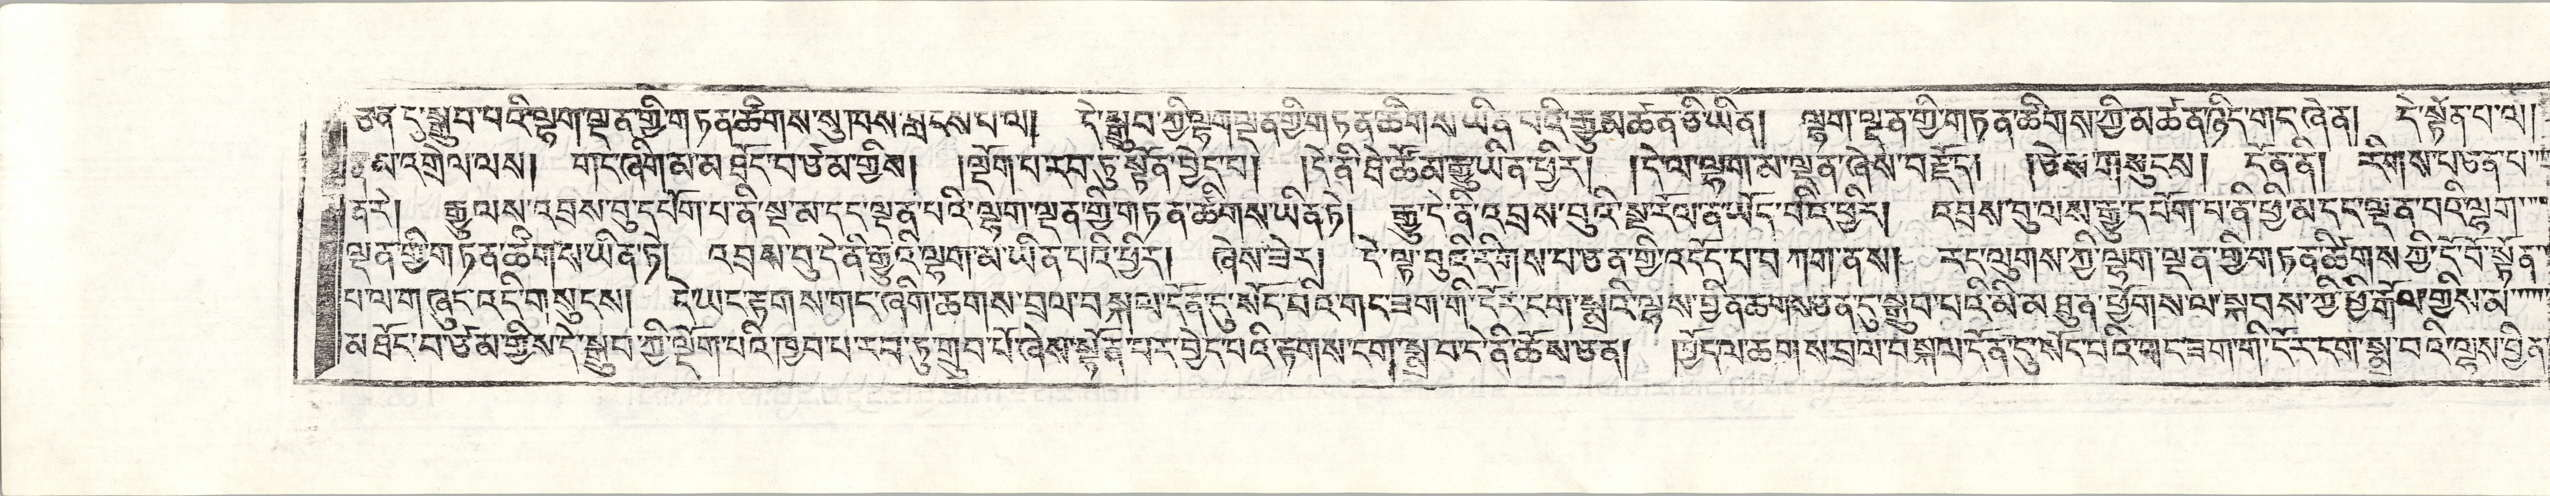ཅན་དུ་སྒྲུབ་པའི་ལྷག་ལྡན་གྱི་གཏན་
ཚིགས་སུ་ཁས་བླངས་པ་ལ། དེ་སྒྲུབ་ཀྱི་ལྷག་ལྡན་གྱི་གཏན་ཚིགས་ཡིན་པའི་རྒྱུ་མཚན་ཅི་ཡིན། ལྷག་ལྡན་གྱི་གཏན་ཚིགས་ཀྱི་མཚན་ཉིད་གང་ཞེ་ན། དེ་སྟོན་པ་ལ། རྣམ་འགྲེལ་ལས། གང་ཞིག་མ་མཐོང་བ་ཙམ་གྱིས། །ལྡོག་པ་རབ་ཏུ་སྟོན་བྱེད་
པ། །དེ་ནི་ཐེ་ཚོམ་རྒྱུ་ཡིན་ཕྱིར། །དེ་ལ་ལྷག་མ་ལྡན་ཞེས་བརྗོད། ཅེས་གསུངས། དོན་ནི། རིགས་པ་ཅན་པ་ན་རེ། རྒྱུ་ལས་འབྲས་བུ་དཔོག་པ་ནི་སྔ་མ་དང་ལྡན་པའི་ལྷག་ལྡན་གྱི་གཏན་ཚིགས་ཡིན་ཏེ། རྒྱུ་དེ་ནི་འབྲས་བུའི་སྔ་རོལ་ན་ཡོད་པའི་ཕྱིར།
འབྲས་བུ་ལས་རྒྱུ་དཔོག་པ་ནི་ཕྱི་མ་དང་ལྡན་པའི་ལྷག་ལྡན་གྱི་གཏན་ཚིགས་ཡིན་ཏེ། འབྲས་བུ་དེ་ནི་རྒྱུའི་ལྷག་མ་ཡིན་པའི་ཕྱིར། ཞེས་ཟེར། དེ་ལྟ་བུའི་རིགས་པ་ཅན་གྱི་འདོད་པ་བཀག་ནས། རང་ལུགས་ཀྱི་ལྷག་ལྡན་གྱི་གཏན་ཚིགས་ཀྱི་ངོ་བོ་སྟོན་
པ་ལ་གཞུང་འདི་གསུངས། དེ་ཡང་རྟགས་གང་ཞིག་ཆགས་བྲལ་བསྐལ་དོན་དུ་སོང་བའི་གང་ཟག་གི་ངོར་ངག་སྨྲའི་ལྷས་བྱིན་ཆགས་ཅན་དུ་སྒྲུབ་པའི་མི་མཐུན་ཕྱོགས་ལ་སྐབས་ཀྱི་ཕྱི་རྒོལ་གྱིས་མ་མཐོང་བ་ཙམ་གྱིས་དེ་སྒྲུབ་ཀྱི་ལྡོག་པའི་ཁྱབ་པ་རབ་ཏུ་༄༅། །གྲུབ་པོ་ཞེས་སྟོན་པར་བྱེད་པའི་རྟགས་ངག་སྨྲ་བ་དེ་ནི་ཆོས་ཅན། ཁྱོད་ལ་ཆགས་བྲལ་བ་བསྐལ་དོན་དུ་སོང་བའི་གང་ཟག་གི་ངོར་ངག་སྨྲ་བའི་ལྷས་བྱིན་